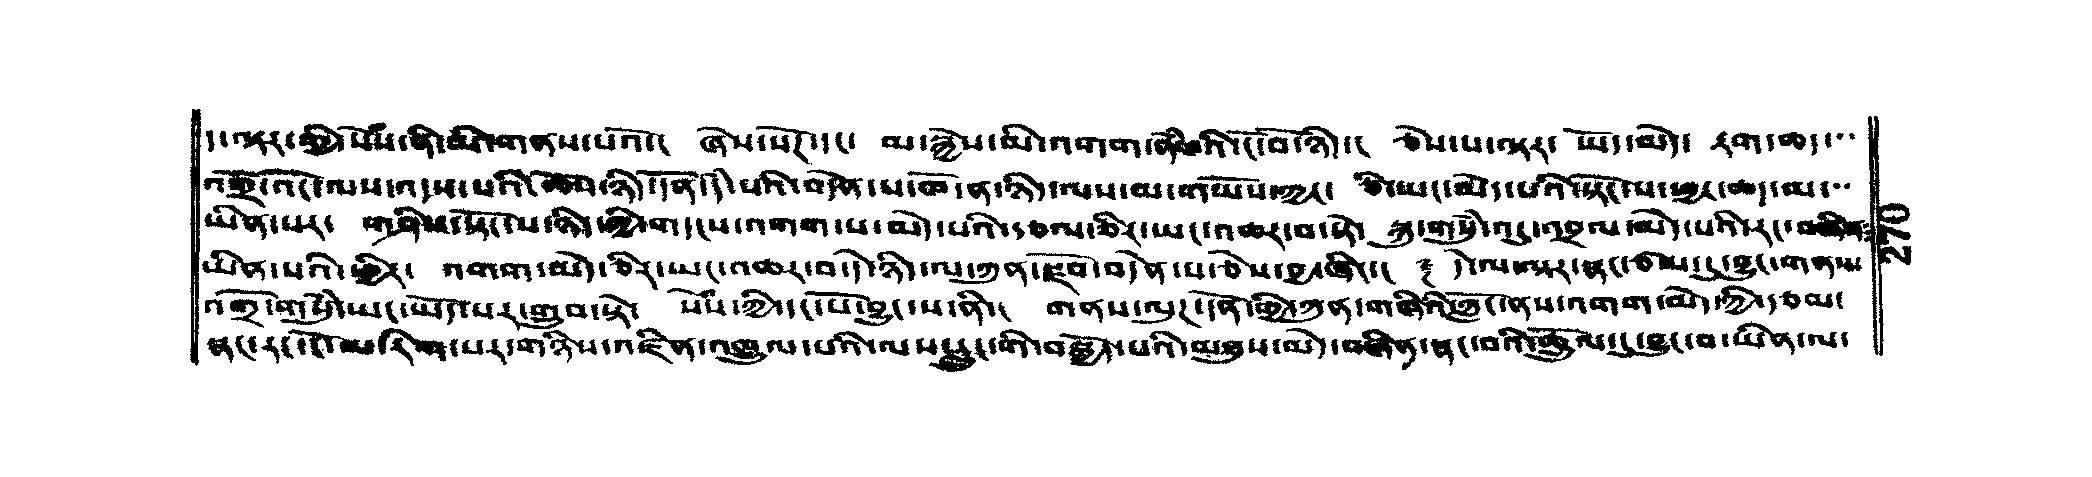ད་ལྟར་གྱི་སེམས་ནི་མི་གནས་པའོ། ཞེས་སོགས་དང་། མ་སྐྱེས་མི་འགག་ནམ་མཁའི་ངོ་བོ་ཉིད། ཅེས་པ་ལྟར། ཡོད་མེད། རྟག་ཆད་
འགྲོ་འོང་ལས་འདས་པའི་ཆོས་ཉིད་དོན་དམ་པའི་བདེན་པ་ཁོ་ན་ཉིད་ལས་མ་གཡོས་ཀྱང་། ཅི་ཡང་མེད་པའི་སྟོང་པ་ཕྱང་ཆད་མ་
ཡིན་པར། གཤིས་སྟོང་པ་ཉིད་ཀྱི་གདངས་འགག་པ་མེད་པའི་རྩལ་ཅིར་ཡང་འཆར་བ་སྟེ། སྐུ་གསུམ་འདུ་འབྲལ་མེད་པའི་རང་བཞིན་
ཡིན་པའི་ཕྱིར། འགག་མེད་ཅིར་ཡང་འཆར་བ་དེ་ཉིད་ལ་ཀུན་རྫོབ་བདེན་པ་ཞེས་བྱ་ཞིང་། དེ་ལ་ལྟར་སྣང་ཙམ་དུ་བྱུང་གནས་
འགྲོ་གསུམ་ཡང་ཡོད་པར་གྲུབ་སྟེ། སེམས་ཀྱི་དང་པོ་བྱུང་ས་ནི། གནས་ལུགས་དོན་གྱི་ཀུན་གཞིའི་ཀློང་ནས་འགག་མེད་ཀྱི་རྩལ་
སྣང་རང་ངོ་མ་རིག་པར་གཉིས་འཛིན་འཁྲུལ་པའི་ལས་རླུང་གི་བསྐྱོད་པའི་མཐུས་མེད་བཞིན་སྣང་བའི་ཆོ་འཕྲུལ་དུ་བྱུང་བ་ཡིན་ལ།